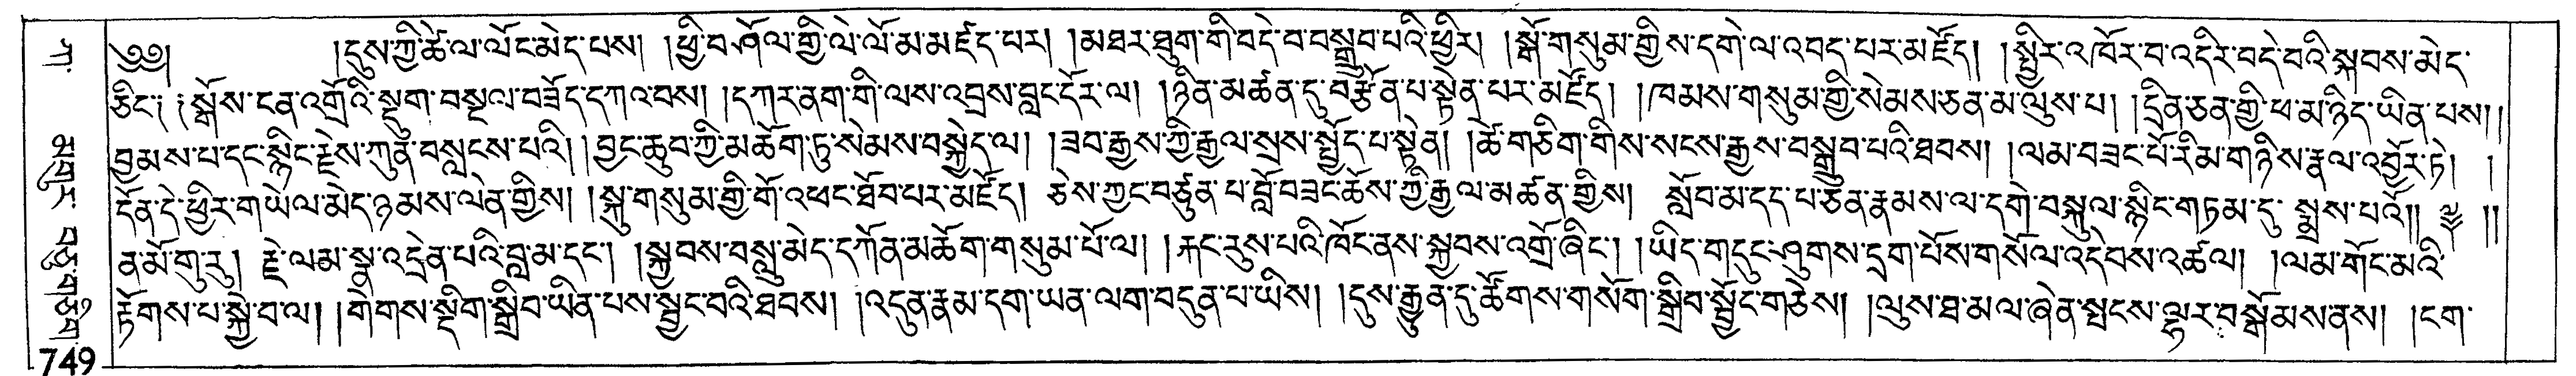༄༅། །དུས་ཀྱི་ཚེ་ལ་ལོང་མེད་པས། །ཕྱི་བཤོལ་གྱི་ལེ་ལོ་མ་མཛད་པར། །མཐར་ཐུག་གི་བདེ་བ་བསྒྲུབ་པའི་ཕྱིར། །སྒོ་གསུམ་གྱིས་དགེ་ལ་འབད་པར་མཛོད། །སྤྱིར་འཁོར་བ་འདིར་བདེ་བའི་སྐབས་མེད་
ཅིང༑ ༑སྒོས་ངན་འགྲོའི་སྡུག་བསྔལ་བཟོད་དཀའ་བས། །དཀར་ནག་གི་ལས་འབྲས་བླང་དོར་ལ། །ཉིན་མཚན་དུ་བརྩོན་པ་སྟེན་པར་མཛོད། །ཁམས་གསུམ་གྱི་སེམས་ཅན་མ་ལུས་པ། །དྲིན་ཅན་གྱི་ཕ་མ་ཉིད་ཡིན་པས། །
བྱམས་པ་དང་སྙིང་རྗེས་ཀུན་བསླངས་པའི། །བྱང་ཆུབ་ཀྱི་མཆོག་ཏུ་སེམས་བསྐྱེད་ལ། །ཟབ་རྒྱས་ཀྱི་རྒྱལ་སྲས་སྤྱོད་པ་སྟེན། །ཚེ་གཅིག་གིས་སངས་རྒྱས་བསྒྲུབ་པའི་ཐབས། །ལམ་བཟང་པོ་རིམ་གཉིས་རྣལ་འབྱོར་ཏེ། །
དོན་དེ་ཕྱིར་གཡེལ་མེད་ཉམས་ལེན་གྱིས། །སྐུ་གསུམ་གྱི་གོ་འཕང་ཐོབ་པར་མཛོད། ཅེས་ཀྱང་བཙུན་པ་བློ་བཟང་ཆོས་ཀྱི་རྒྱལ་མཚན་གྱིས། སློབ་མ་དད་པ་ཅན་རྣམས་ལ་དགེ་བསྐུལ་སྙིང་གཏམ་དུ་སྨྲས་པའོ།། ༈ །།
ན་མོ་གུ་རུ། རྗེ་ལམ་སྣ་འདྲེན་པའི་བླ་མ་དང་། །སྐྱབས་བསླུ་མེད་དཀོན་མཆོག་གསུམ་པོ་ལ། །རྐང་རུས་པའི་ཁོང་ནས་སྐྱབས་འགྲོ་ཞིང་། །ཡིད་གདུང་ཤུགས་དྲག་པོས་གསོལ་འདེབས་འཚལ། །ལམ་གོང་མའི་
རྟོགས་པ་སྐྱེ་བ་ལ། །གེགས་སྡིག་སྒྲིབ་ཡིན་པས་སྦྱང་བའི་ཐབས། །འདུན་རྣམ་དག་ཡན་ལག་བདུན་པ་ཡིས། །དུས་རྒྱུན་དུ་ཚོགས་གསོག་སྒྲིབ་སྦྱོང་གཅེས། །ལུས་ཐ་མལ་ཞེན་སྤངས་ལྷར་བསྒོམས་ནས། །ངག་